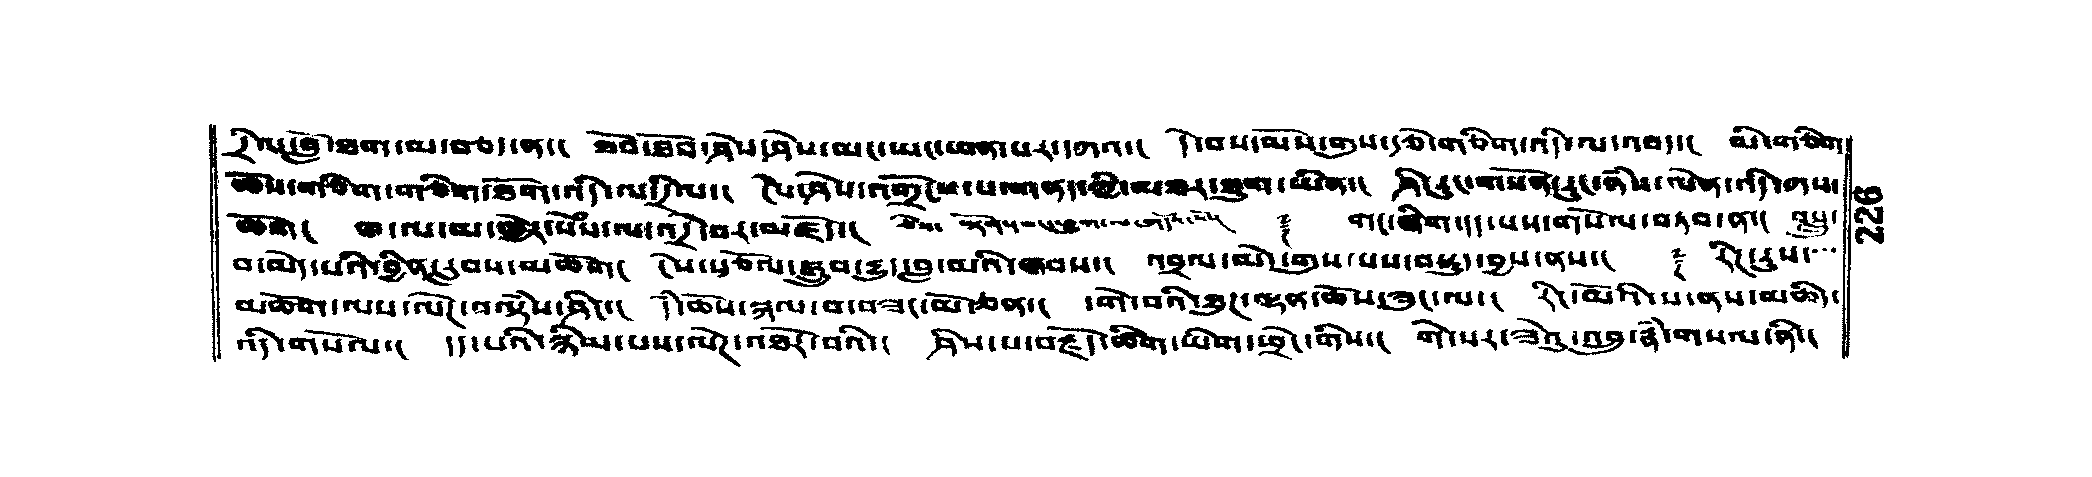དྲིལ་བློ་ཐག་མ་བཅད་ན། །ཐོབ་ཐོབ་ཤེས་ཤེས་མང་ཡང་ཕན་པར་དཀའ། །དེ་བས་མོས་གུས་རྩེ་གཅིག་འདི་ལ་འབད། །མི་གཅིག་
ཆོས་གཅིག་གཅིག་ཐོག་འདི་ལ་དྲིལ། །ངེས་ཤེས་འགྲོངས་པ་གནད་ཀྱི་མཐར་ཐུག་ཡིན། །ཤི་རུང་གསོན་རུང་ཉམས་ལེན་འདི་ནས་
ཆོག། ཁ་ལ་མ་ཁྱེར་སེམས་ལ་འདྲེ་བར་མཛོད། །ཅེས་ཡོན་ཏན་དབང་ཕྱུག་ལ་གདམས་སོ།། ༈ གང་ཞིག་དད་པས་གསོལ་བཏབ་ན། །བསླུ་
བ་མེད་པའི་བྱིན་རླབས་མཆོག །ངེས་སྩོལ་སྒྲུབ་རྒྱུད་བླ་མའི་ཞབས། །འབྲལ་མེད་གུས་པས་བསྟུད་བྱས་ནས། ༈ རིགས་རུས་
མཆོག་ལས་ལེགས་བལྟམས་ཤིང་། །དམ་ཆོས་སྐལ་བ་བཟང་མོ་ཅན། །དགེ་བའི་ཐུགས་ལྷན་ཆོས་ཟུང་ལ། །རིང་མོའི་ས་ནས་མཆིད་
འདི་གསོལ། །དད་པའི་སྙིམ་པས་ལེགས་འཐོར་བའི། །ཤིས་པ་བརྗོད་ཚིག་ཡིག་ཕྲེང་གིས། །གེ་སར་ཟེའུ་འབྲུ་རྣམ་གསལ་ནི།